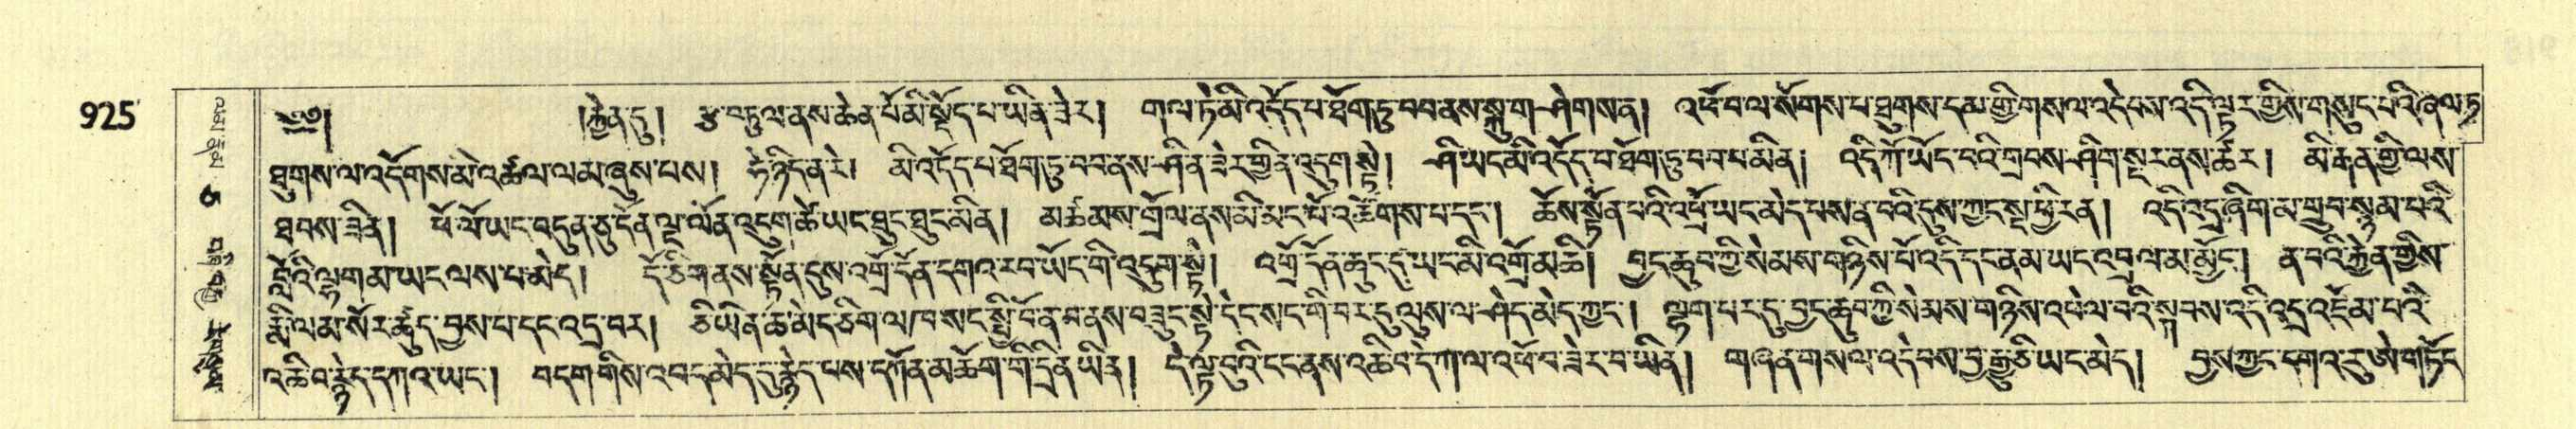༄༅། །རྐྱེན་དུ། རྩ་བཏུལ་ནས་ཆེན་པོ་མི་སྡོད་པ་ཡིན་ཟེར། གལ་ཏེ་མི་འདོད་པ་ཐོག་ཏུ་བབ་ནས་སྐུ་གཤེགས་ན། འཕོ་བ་ལ་སོགས་པ་ཐུགས་དམ་གྱི་གསལ་འདེབས་འདི་ལྟར་གྱིས་གསུང་པའི་ཞལ་ཏ་
ཐུགས་ལ་འདོགས་མི་འཚལ་ལམ་ཞུས་པས། ཧེ་ཉིད་ན་རེ། མི་འདོད་པ་ཐོག་ཏུ་བབ་ནས་ཤིན་ཟེར་གྱིན་འདུག་སྟེ། ཤི་ཡང་མི་འདོད་པ་ཐོག་ཏུ་བབ་པ་མིན། འདི་ཀོ་ཡོང་བའི་གྲབས་ཤིག་སྔར་ནས་ཚར། མི་རྒན་གྱི་ལས་
ཐབས་ཟིན། ཕོ་ལོ་ཡང་བདུན་ཅུ་དོན་ལྔ་ལོན་འདུག་ཚེ་ཡང་ཐུང་ཐུང་མིན། མཚམས་གྲོལ་ནས་མི་མང་པོ་འཚོགས་པ་དང་། ཆོས་སྟོན་པའི་འཕྲོ་ཡང་མེད་པས་ན་བའི་དུས་ཀྱང་སྔ་ཕྱི་རན། འདི་འདྲ་ཞིག་མ་གྲུབ་སྙམ་པའི་
བློའི་ལྷག་མ་ཡང་ལས་པ་མེད། དོ་ཅིག་ནས་སྟོན་དུས་འགྲོ་དོན་དགའ་རབ་ཡོང་གི་འདུག་སྟེ། འགྲོ་དོན་ཆུང་དུ་ཡང་མི་འགྲོ་མཆི། བྱང་ཆུབ་ཀྱི་སེམས་གཉིས་པོ་འདི་དང་ནམ་ཡང་འབྲལ་མ་མྱོང་། ན་བའི་རྐྱེན་གྱིས་
རྨི་ལམ་སོར་ཚུད་བྱས་པ་དང་འདྲ་བར། ཅི་ཡིན་ཆ་མེད་ཅིག་ལ་ཁ་སང་སྤྱི་བོ་ན་བ་ནས་བཟུང་སྟེ་དེང་སང་གི་བར་དུ་ལུས་ལ་ཤེད་མེད་ཀྱང་། ལྷག་པར་དུ་བྱང་ཆུབ་ཀྱི་སེམས་གཉིས་འཕེལ་བའི་སྐབས་འདི་འདྲ་འཇོམ་པའི་
འཆི་བ་རྙེད་དཀའ་ཡང་། བདག་གིས་འབད་མེད་དུ་རྙེད་པས་དཀོན་མཆོག་གི་དྲིན་ཡིན། དེ་ལྟ་བུའི་དང་ནས་འཆི་བ་དེ་ཀ་ལ་འཕོ་བ་ཟེར་བ་ཡིན། གཞན་གསལ་འདེབས་བྱ་རྒྱུ་ཅི་ཡང་མེད། བྱས་ཀྱང་དགའ་རུ་ཨེ་གཏོང་